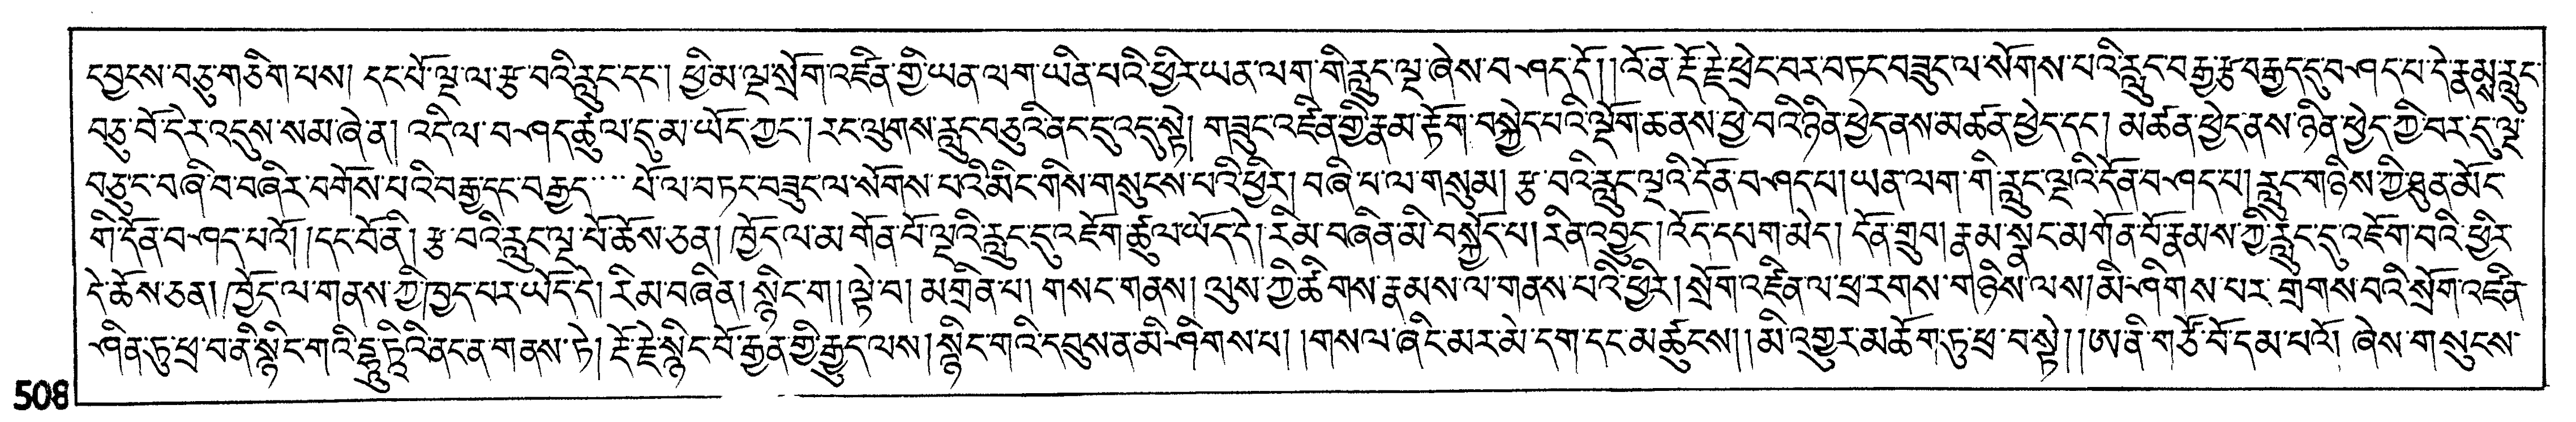དབྱངས་བཅུ་གཅིག་པས། དང་པོ་ལྔ་ལ་རྩ་བའི་རླུང་དང་། ཕྱི་མ་ལྔ་སྲོག་འཛིན་གྱི་ཡན་ལག་ཡིན་པའི་ཕྱིར་ཡན་ལག་གི་རླུང་ལྔ་ཞེས་བཤད་དོ། །འོ་ན་རྡོ་རྗེ་ཕྲེང་བར་བཏང་བཟུང་ལ་སོགས་པའི་རླུང་བརྒྱ་རྩ་བརྒྱད་དུ་བཤད་པ་དེ་རྣམས་རླུང་
བཅུ་བོ་དེར་འདུས་སམ་ཞེ་ན། འདི་ལ་བཤད་ཚུལ་དུ་མ་ཡོད་ཀྱང་། རང་ལུགས་རླུང་བཅུའི་ནང་དུ་འདུ་སྟེ། གཟུང་འཛིན་གྱི་རྣམ་རྟོག་བསྐྱེད་པའི་ལྡོག་ཆ་ནས་ཕྱེ་བའི་ཉིན་ཕྱེད་ནས་མཚན་ཕྱེད་དང་། མཚན་ཕྱེད་ནས་ཉིན་ཕྱེད་ཀྱི་བར་དུ་ལྔ་
བཅུ་ང་བཞི་བ་བཞིར་བགོས་པའི་བརྒྱ་དང་བརྒྱད་པོ་ལ་བཏང་བཟུང་ལ་སོགས་པའི་མིང་གིས་གསུངས་པའི་ཕྱིར། བཞི་པ་ལ་གསུམ། རྩ་བའི་རླུང་ལྔའི་དོན་བཤད་པ། ཡན་ལག་གི་རླུང་ལྔའི་དོན་བཤད་པ། རླུང་གཉིས་ཀྱི་ཐུན་མོང་
གི་དོན་བཤད་པའོ། །དང་པོ་ནི། རྩ་བའི་རླུང་ལྔ་པོ་ཆོས་ཅན། ཁྱོད་ལ་མགོན་པོ་ལྔའི་རླུང་དུ་འཇོག་ཚུལ་ཡོད་དེ། རིམ་བཞིན་མི་བསྐྱོད་པ། རིན་འབྱུང་། འོད་དཔག་མེད། དོན་གྲུབ། རྣམ་སྣང་མགོན་པོ་རྣམས་ཀྱི་རླུང་དུ་འཇོག་པའི་ཕྱིར་
དེ་ཆོས་ཅན། ཁྱོད་ལ་གནས་ཀྱི་ཁྱད་པར་ཡོད་དེ། རིམ་བཞིན། སྙིང་ག །ལྟེ་བ། མགྲིན་པ། གསང་གནས། ལུས་ཀྱི་ཚིགས་རྣམས་ལ་གནས་པའི་ཕྱིར། སྲོག་འཛིན་ལ་ཕྲ་རགས་གཉིས་ལས། མི་ཤིགས་པར་གྲགས་པའི་སྲོག་འཛིན་
ཤིན་ཏུ་ཕྲ་བ་ནི་སྙིང་གའི་དྷཱུ་ཏཱིའི་ནང་ན་གནས་ཏེ། རྡོ་རྗེ་སྙིང་པོ་རྒྱན་གྱི་རྒྱུད་ལས། སྙིང་གའི་དབུས་ན་མི་ཤིགས་པ། །གསལ་ཞིང་མར་མེ་དག་དང་མཚུངས། །མི་འགྱུར་མཆོག་ཏུ་ཕྲ་བ་སྟེ། །ཨ་ནི་གཙོ་བོ་དམ་པའོ། ཞེས་གསུངས་